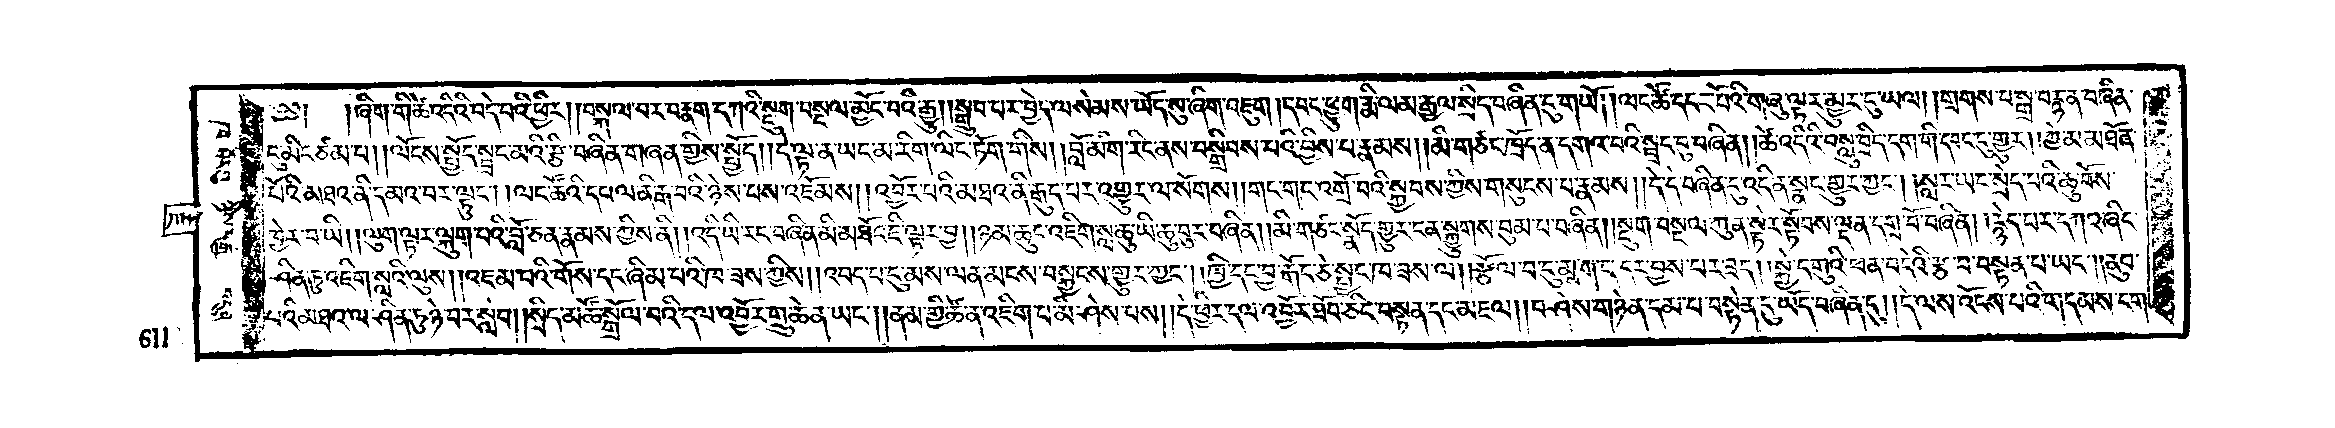༄༅། །ཞིག་གི་ཚེ་འདིའི་བདེ་བའི་ཕྱིར། །བསྐལ་པར་བརྣག་དཀའི་སྡུག་བསྔལ་མྱོང་བའི་རྒྱུ། །སྒྲུབ་པར་བྱེད་ལ་སེམས་ཡོད་སུ་ཞིག་འཇུག །དབང་ཕྱུག་རྨི་ལམ་རྒྱལ་སྲིད་བཞིན་དུ་གཡོ། །ལང་ཚོ་དབང་པོའི་གཞུ་ལྟར་མྱུར་དུ་ཡལ། །གྲགས་པ་སྒྲ་བརྙན་བཞིན་
དུ་མིང་ཙམ་པ། །ལོངས་སྤྱོད་སྦྲང་མའི་རྩི་བཞིན་གཞན་གྱིས་སྤྱོད། །དེ་ལྟ་ན་ཡང་མ་རིག་ལིང་ཏོག་གིས། །བློ་མིག་རིང་ནས་བསྒྲིབས་པའི་བྱིས་པ་རྣམས། །མི་གཙང་ཁྲོད་ན་དགའ་བའི་སྦྲང་བུ་བཞིན། །ཚེ་འདིའི་བསླུ་བྲིད་དག་གི་དབང་དུ་གྱུར། །ཀྱེ་མ་མཐོན་
པོའི་མཐའ་ནི་དམའ་བར་ལྟུང་། །ལང་ཚོའི་དཔལ་ནི་རྒ་བའི་ཉེས་པས་འཇོམས། །འབྱོར་པའི་མཐའ་ནི་རྒུད་པར་འགྱུར་ལ་སོགས། །གང་གང་འགྲོ་བའི་སྐྱབས་ཀྱིས་གསུངས་པ་རྣམས། །དེ་དེ་བཞིན་དུ་འདི་ན་སྣང་གྱུར་ཀྱང་། །སླར་ཡང་སྲེད་པའི་ཆུ་བོས་
ཁྱེར་བ་ཡི། །ལུག་ལྟར་ལྐུག་པའི་བློ་ཅན་རྣམས་ཀྱིས་ནི། །འདི་ཡི་རང་བཞིན་མི་མཐོང་ཇི་ལྟར་བྱ། །ཉམ་ཆུང་འཇིག་སླ་ཆུ་ཡི་ཆུ་བུར་བཞིན། །མི་གཙང་སྣོད་གྱུར་ངན་སྐྱུགས་བུམ་པ་བཞིན། །སྡུག་བསྔལ་ཀུན་སྟེར་སྟོབས་ལྡན་དགྲ་བོ་བཞིན། །རྙེད་པར་དཀའ་ཞིང་
ཤིན་ཏུ་འཇིག་སླའི་ལུས། །འཇམ་པའི་གོས་དང་ཞིམ་པའི་ཁ་ཟས་ཀྱིས། །འབད་པ་དུ་མས་ལན་མངས་བསྐྱངས་གྱུར་ཀྱང་། །ཁྱི་དང་བྱ་རྒོད་ཅེ་སྤྱང་ཁ་ཟས་ལ། །རྩོལ་བ་དུ་མས་གད་དར་བྱས་པར་ཟད། །སྐྱེ་དགུའི་ཕན་བདེའི་རྩ་བ་བསྟན་པ་ཡང་། །ནུབ་
པའི་མཐའ་ལ་ཤིན་ཏུ་ཉེ་བར་སླེབ། །སྲིད་མཚོ་སྒྲོལ་བའི་དལ་འབྱོར་གྲུ་ཆེན་ཡང་། །ནམ་གྱི་ཚེ་ན་འཇིག་པ་མི་ཤེས་པས། །དེ་ཕྱིར་དལ་འབྱོར་ཐོབ་ཅིང་བསྟན་དང་མཇལ། །བཤེས་གཉེན་དམ་པ་བསྟེན་དུ་ཡོད་བཞིན་དུ། །དེ་ལས་འོངས་པའི་གདམས་ངག་